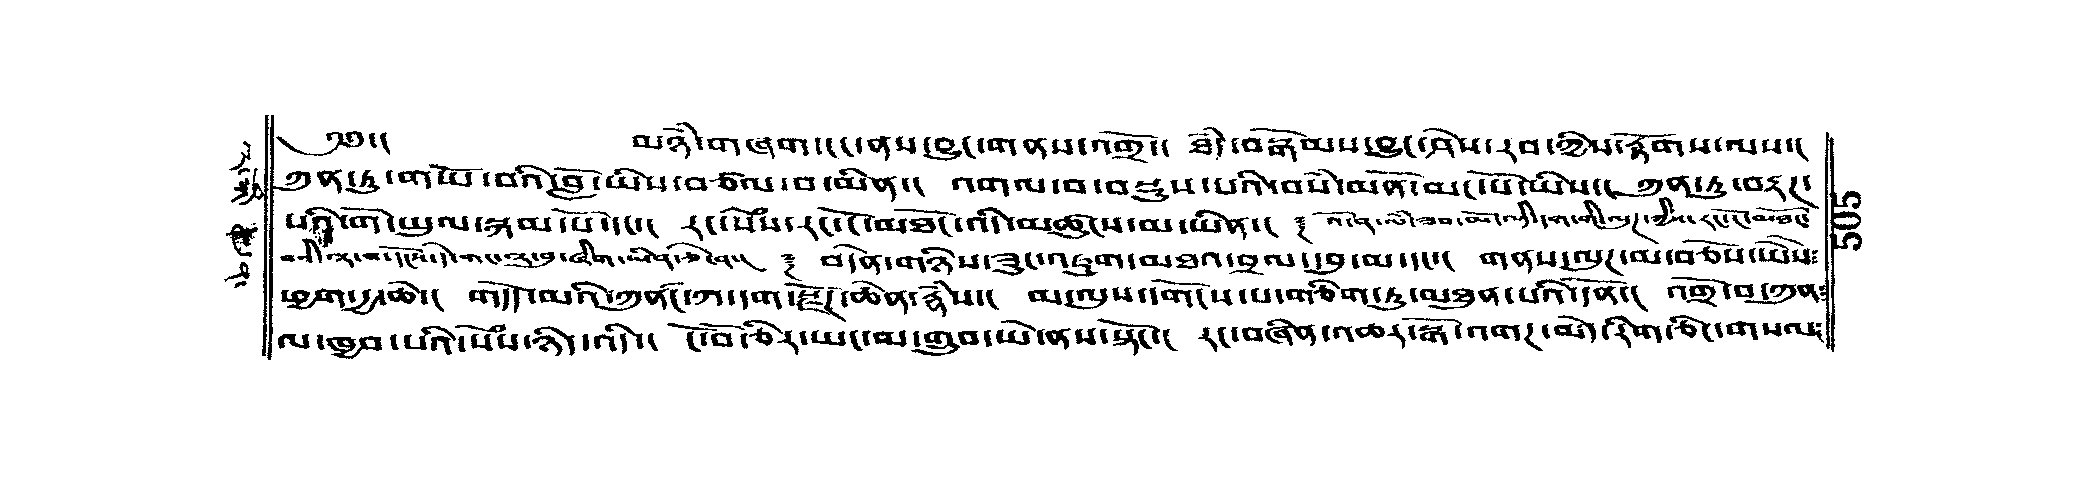མཉམ་གཞག་ངང་ནས་བྱུང་གནས་འགྲོ། །ཐམས་ཅད་སྒོམ་བྱུང་ཤེས་རབ་ཀྱིས་རྟོགས་ལས། །
ཀུན་ཏུ་གཡོ་བའི་བློ་ཡིས་བཙལ་བ་མིན། །འགལ་བ་བསྡུས་པའི་བསམ་མནོ་མང་པོ་ཡིས། །ཀུན་ཏུ་བརྟགས་
པའི་གོ་ཡུལ་སྐམ་པོ་དང་། །རང་སེམས་རང་ངོ་མཐོང་འདི་མཚུངས་མ་ཡིན། ༈ འོ་ན་ལམ་ཟབ་མོ་འདི་དག་གི་ལུགས་ཀྱིས་རང་ངོ་མཐོང་
བའི་ལྟ་བ་དངོས་དེ་གང་ལྟ་བུ་ཞིག་ཡིན་ཅེ་ན། ༈ བདེན་གཉིས་ཟུང་འཇུག་མཐའ་བྲལ་དབུ་མ་དང་། །གནས་ལུགས་མ་བཅོས་ཡེ་ཤེས་
ཕྱག་རྒྱ་ཆེ། །གདོད་མའི་ཀུན་བཟང་ཀ་དག་རྫོགས་ཆེན་རྣམས། །མ་ལུས་དགོངས་པ་གཅིག་ཏུ་མཐུན་པའི་དོན། །འགྲོ་བ་ཀུན་
ལ་ཁྱབ་པའི་སེམས་ཉིད་འདི། །ངོ་བོ་ཅིར་ཡང་མ་གྲུབ་ཡེ་ནས་སྟོང་། །རང་བཞིན་འཆར་སྒོ་འགགས་མེད་རིག་ཅིང་གསལ།